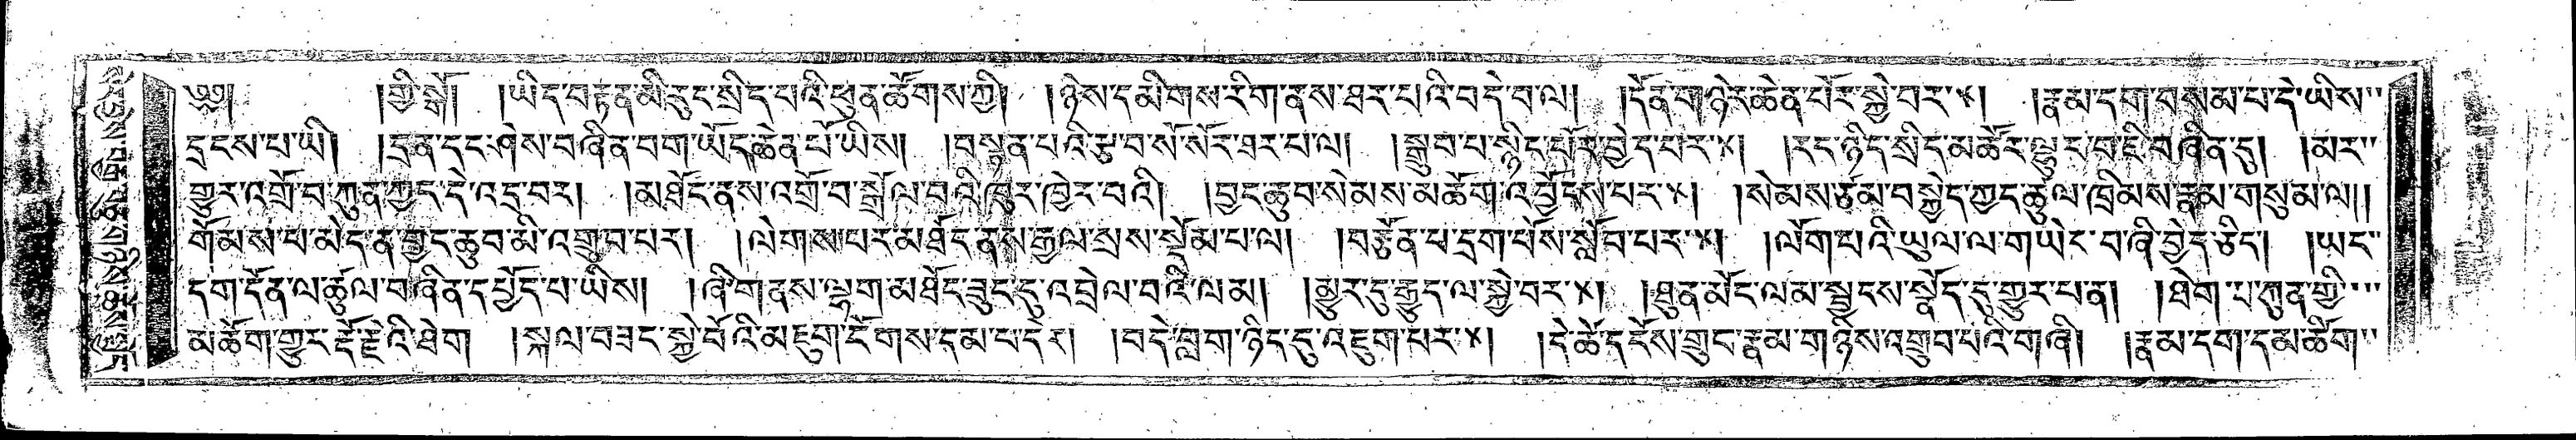༄༅། །གྱི་སྒོ། །ཡིད་བརྟན་མི་རུང་སྲིད་པའི་ཕུན་ཚོགས་ཀྱི། །ཉེས་དམིགས་རིག་ནས་ཐར་པའི་བདེ་བ་ལ། །དོན་གཉེར་ཆེན་པོར་སྐྱེ་བར་{྾}། །རྣམ་དག་བསམ་པ་དེ་ཡིས་
དྲངས་པ་ཡི། །དྲན་དང་ཤེས་བཞིན་བག་ཡོད་ཆེན་པོ་ཡིས། །བསྟན་པའི་རྩ་བ་སོ་སོར་ཐར་པ་ལ། །སྒྲུབ་པ་སྙིང་པོར་བྱེད་པར་{྾}། །རང་ཉིད་སྲིད་མཚོར་ལྷུང་བ་ཇི་བཞིན་དུ། །མར་
གྱུར་འགྲོ་བ་ཀུན་ཀྱང་དེ་འདྲ་བར། །མཐོང་ནས་འགྲོ་བ་སྒྲོལ་བའི་ཁུར་ཁྱེར་བའི། །བྱང་ཆུབ་སེམས་མཆོག་འབྱོངས་པར་{྾}། །སེམས་ཙམ་བསྐྱེད་ཀྱང་ཚུལ་ཁྲིམས་རྣམ་གསུམ་ལ།།
གོམས་པ་མེད་ན་བྱང་ཆུབ་མི་འགྲུབ་པར། །ལེགས་པར་མཐོང་ནས་རྒྱལ་སྲས་སྡོམ་པ་ལ། །བརྩོན་པ་དྲག་པོས་སློབ་པར་{྾}། །ལོག་པའི་ཡུལ་ལ་གཡེང་བ་ཞི་བྱེད་ཅིང་། །ཡང་
དག་དོན་ལ་ཚུལ་བཞིན་དཔྱོད་པ་ཡིས། །ཞི་གནས་ལྷག་མཐོང་ཟུང་དུ་འབྲེལ་བའི་ལམ། །མྱུར་དུ་རྒྱུད་ལ་སྐྱེ་བར་{྾}། །ཐུན་མོང་ལམ་སྦྱངས་སྣོད་དུ་གྱུར་པ་ན། །ཐེག་པ་ཀུན་གྱི་
མཆོག་གྱུར་རྡོ་རྗེའི་ཐེག །སྐལ་བཟང་སྐྱེ་བོའི་མཇུག་ངོགས་དམ་པ་དེར། །བདེ་བླག་ཉིད་དུ་འཇུག་པར་{྾}། །དེ་ཚེ་དངོས་གྲུབ་རྣམ་གཉིས་འགྲུབ་པའི་གཞི། །རྣམ་དག་དམ་ཚིག་